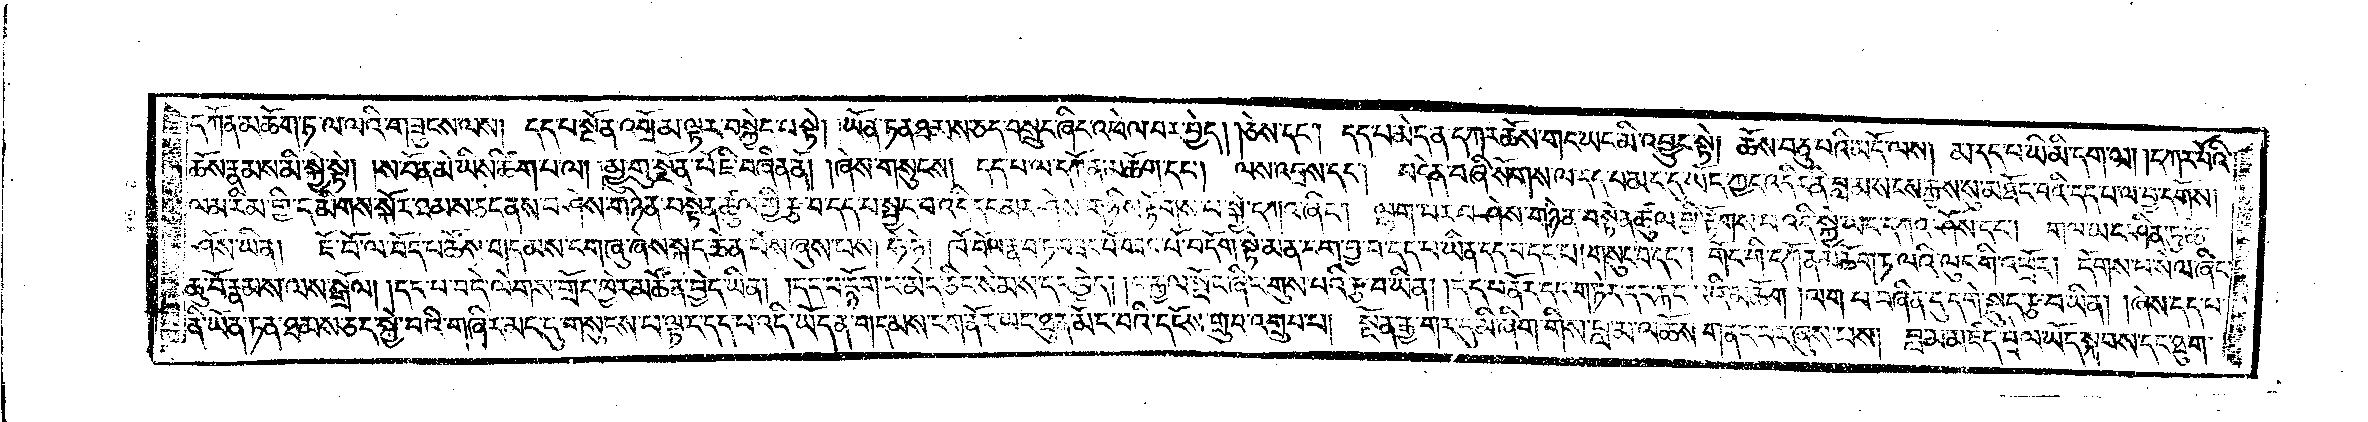དཀོན་མཆོག་ཏ་ལ་ལའི་གཟུངས་ལས། དད་པ་སྔོན་འགྲོ་མ་ལྟར་བསྐྱེད་པ་སྟེ། །ཡོན་ཏན་ཐམས་ཅད་བསྲུང་ཞིང་འཕེལ་བར་བྱེད། །ཅེས་དང་། དད་པ་མེད་ན་དཀར་ཆོས་གང་ཡང་མི་བྱུང་སྟེ། ཆོས་བཅུ་པའི་མདོ་ལས། མ་དད་པ་ཡི་མི་དག་ལ། །དཀར་པོའི་
ཆོས་རྣམས་མི་སྐྱེ་སྟེ། །ས་བོན་མེ་ཡིས་ཚིག་པ་ལ། །མྱུ་གུ་སྔོན་པོ་ཇི་བཞིན་ནོ། །ཞེས་གསུངས། དད་པ་ལ་དཀོན་མཆོག་དང་། ལས་འདྲས་དང་། བདེན་བཞི་སོགས་ལ་དད་པ་མང་དུ་ཡོད་ཀྱང་འདིར་ནི་བླ་མ་སངས་རྒྱས་སུ་མཐོང་བའི་དད་པ་ལ་བྱ་དགོས།
ལམ་རིམ་གྱི་དམིགས་སྐོར་ཐམས་ཅད་ནས་བཤེས་གཉེན་བསྟེན་ཚུལ་གྱི་རྩ་བ་དད་པ་སྦྱང་བ་འདི་དང་མར་ཤེས་གཉིས་རྟོགས་པ་སྐྱོ་དཀའ་ཞིང་། ལྷག་པར་བཤེས་གཉེན་བསྟེན་ཚུལ་གྱི་རྟོགས་པ་འདི་སྐྱེ་ཡང་དཀའ་ཆོས་དང་། གལ་ཡང་ཤིན་ཏུ་ཆེ་
ཤོས་ཡིན། ཇོ་བོ་ལ་བོད་པ་ཚོས་གདམས་ངག་ཞུ་ཞེས་སྐད་ཆེན་པོས་ཞུས་པས། ཧེ་ཧེ། ཁོ་བོ་ལ་རྣ་བ་ཏ་བཟང་པོ་བཟང་པོ་བདོག་སྟེ་མན་ངག་བྱ་བ་དད་པ་ཡིན་དད་པ་དད་པ། གསུང་བ་དང་། གོང་གི་དཀོན་མཆོག་ཏ་ལའི་ལུང་གི་འཕྲོར། དོགས་པ་སེལ་ཞིང་
ཆུ་བོ་རྣམས་ལས་སྒྲོལ། །དད་པ་བདེ་ལེགས་གྲོང་ཁྱེར་མཚོན་བྱེད་ཡིན། །དད་པ་རྙོག་པ་མེད་ཅིང་སེམས་དད་བྱེད༑ ༑ང་རྒྱལ་སྤོང་ཞིང་གུས་པའི་རྩ་བ་ཡིན། །དད་པ་ནོར་དང་གཏེར་དང་རྐང་པའི་མཆོག །ལག་པ་བཞིན་དུ་དགེ་སྡུད་རྩ་བ་ཡིན། །ཞེས་དད་པ་
ནི་ཡོན་ཏན་ཐམས་ཅད་སྐྱེ་བའི་གཞིར་མང་དུ་གསུངས་པ་ལྟར་དད་པ་འདི་ཡོད་ན་གདམས་ངག་ནོར་ཡང་ཐུན་མོང་བའི་དངོས་གྲུབ་འགྲུབ་པ། སྔོན་རྒྱ་གར་དུ་མི་ཞིག་གིས་བླ་མ་ལ་ཆོས་གནང་བར་ཞུས་པས། བླ་མ་མཛད་བྲེལ་ཡོད་སྐབས་དང་ཐུག་